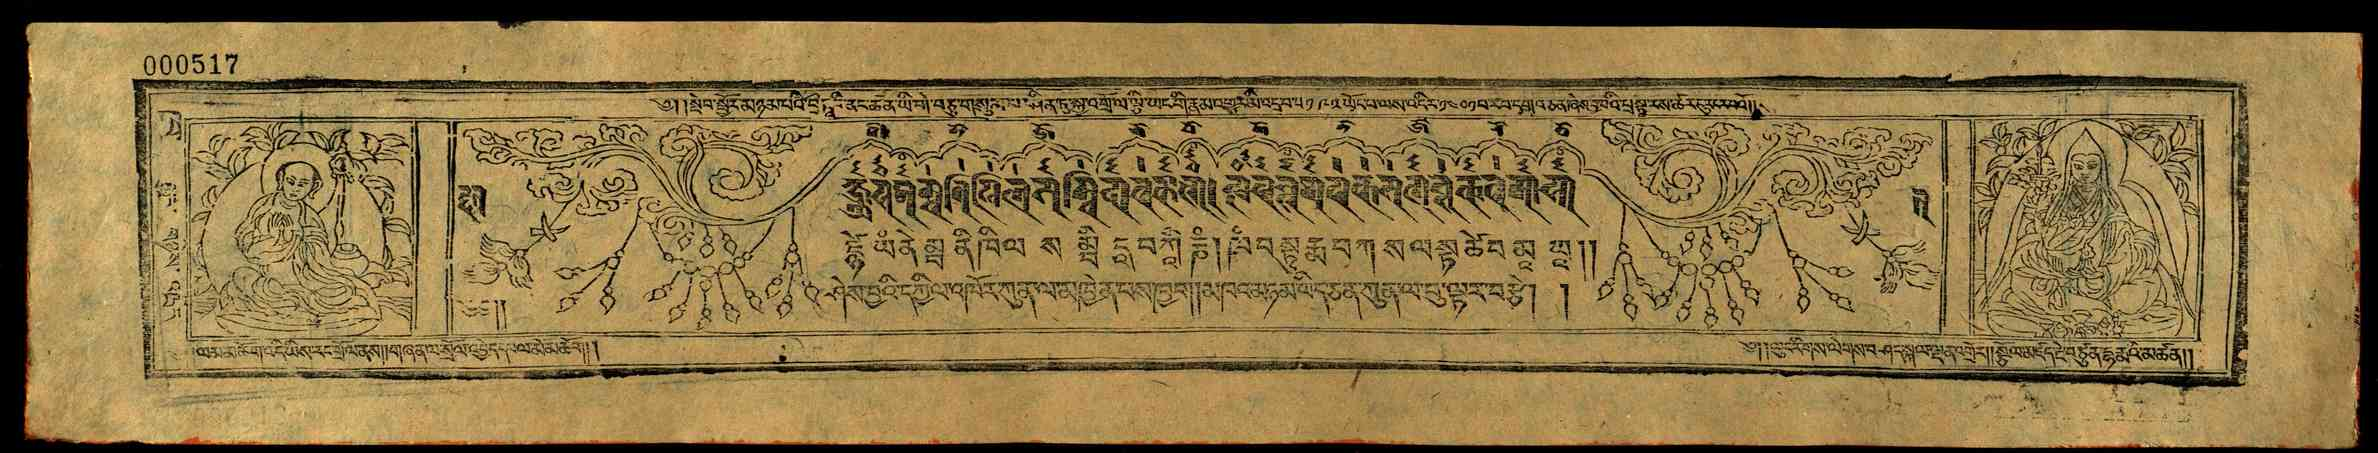ལས
ཛྙེ་ཡཾ་ནེ་མ་ནི་ཁིལ་ས་མྨི་དཱ་བ་ཀི །ཁཾ་བ་སྟ་རྨ་ས་ཀཱ་ས་ལ་སྟ་ཚེབ་མཱ་ཡཾ།
ཤེས་བྱའི་དཀྱིལ་འཁོར་ཀུན་ལ་མཁྱེན་པས་ཁྱབ། མཁའ་མཉམ་ཡིད་ཅན་ཀུན་ལ་བུ་ལྟར་བརྩེ། །